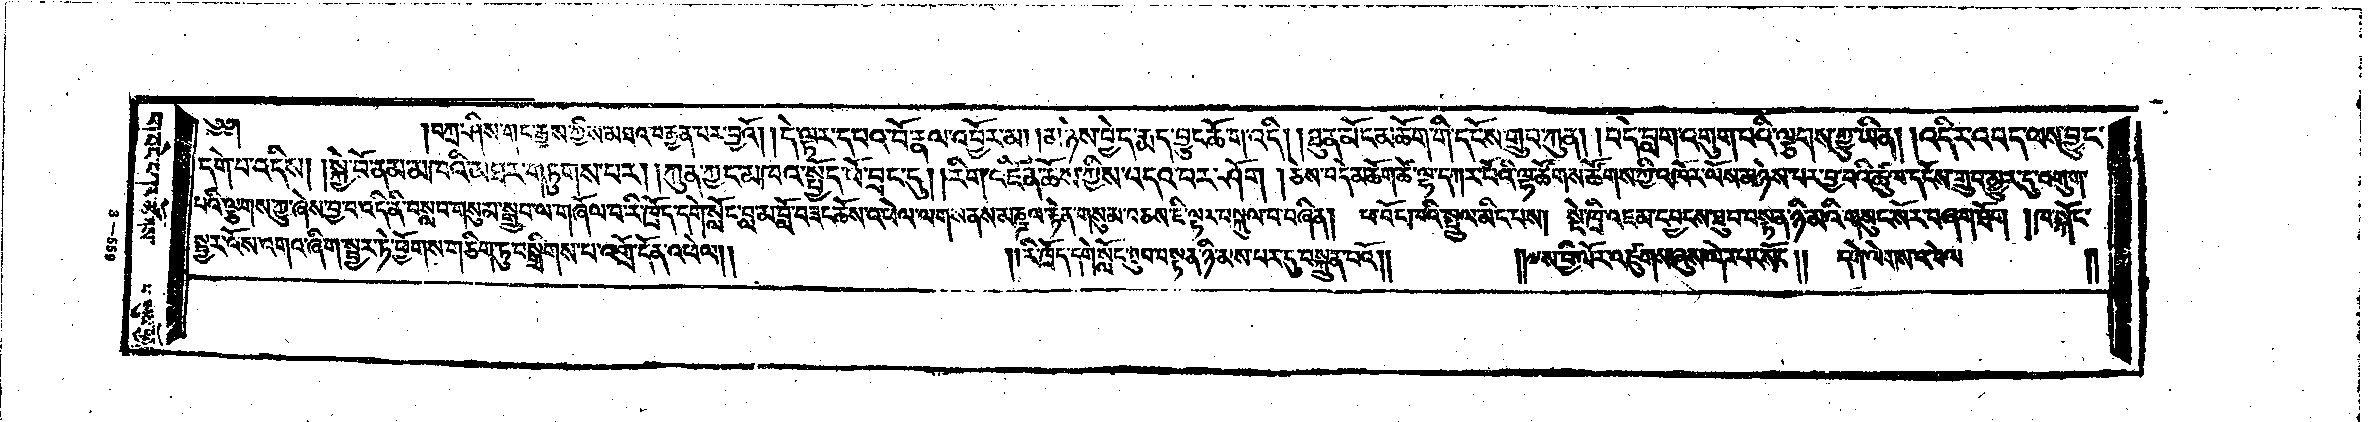༄༅། །བཀྲ་ཤིས་གང་རྒྱས་ཀྱིས་མཐའ་བརྒྱན་པར་བྱའོ། །དེ་ལྟར་དཔའ་བོ་རྣལ་འབྱོར་མ། །མཉེས་བྱེད་རྨད་བྱུང་ཆོ་ག་འདི། །ཐུན་མོང་མཆོག་གི་དངོས་གྲུབ་ཀུན། །བདེ་བླག་འགུག་པའི་ལྕགས་ཀྱུ་ཡིན། །འདིར་འབད་ལས་བྱུང་
དགེ་བ་འདིས། །སྐྱེ་བོ་ནམ་མཁའི་མཐར་གཏུགས་པར། །ཀུན་ཀྱང་མཁའ་སྤྱོད་ལོ་བྲང་དུ། །རིག་འཛིན་ཆོས་ཀྱིས་འདའ་བར་ཤོག །ཅེས་བདེ་མཆོག་ཚེ་ལྷ་དཀར་པོའི་ལྷ་ཚོགས་ཚོགས་ཀྱི་འཁོར་ལོས་མཉེས་པར་བྱ་བའི་ཚུལ་དངོས་གྲུབ་མྱུར་དུ་འགུག་
པའི་ལྕགས་ཀྱུ་ཞེས་བྱ་བ་འདི་ནི་བསླབ་གསུམ་སྒྲུབ་ལ་གཞོལ་བ་རི་ཁྲོད་དགེ་སློང་བླ་མ་བློ་བཟང་ཆོས་འཕེལ་ལགས་ནས་མཎྜལ་རྟེན་གསུམ་བཅས་ཇི་ལྟར་བསྐུལ་བ་བཞིན། ཕ་བོང་ཁའི་སྤྲུལ་མིང་པས། སྡེ་ཁྲི་འཇམ་དབྱངས་ཐུབ་བསྟན་ཉི་མའི་གསུང་སོར་བཞག་ཐོག །ཁ་སྐོང་
སྦྱར་འོས་འགའ་ཞིག་སྦྱར་ཏེ་ཕྱོགས་གཅིག་ཏུ་བསྒྲིགས་པ་འགྲོ་དོན་འཕེལ།། །།རི་ཁྲོད་དགེ་སློང་ཐུབ་བསྟན་ཉི་མས་པར་དུ་བསྐྲུན་པའོ།། །།ལས་བྱི་ལོར་འཛུགས་ཞུས་ལེཌ་པར་སོང།། དགེ་ལེགས་འཕེལ།།